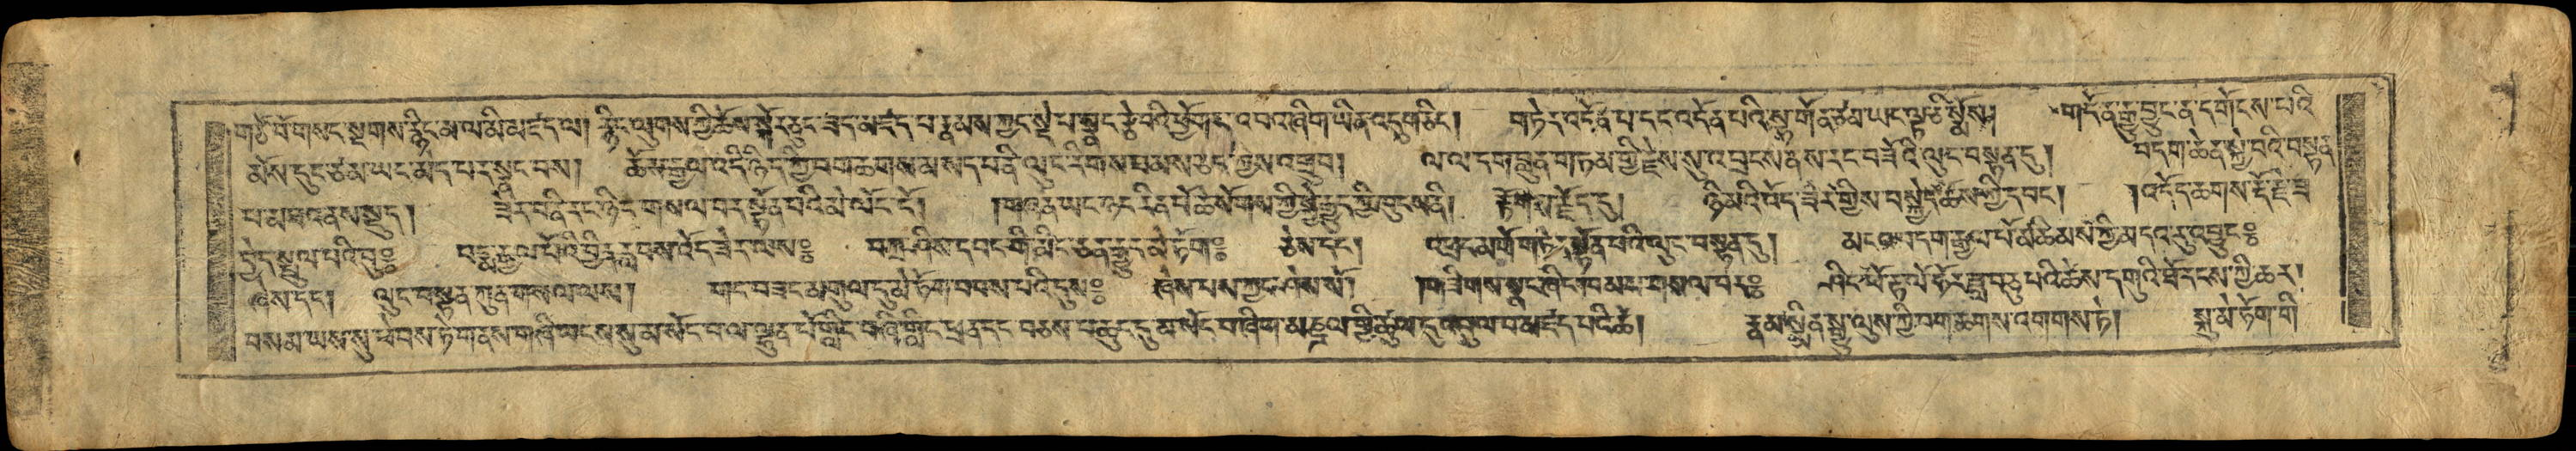གཙོ་བོ་གསང་སྔགས་རྙིང་མ་ལ་མི་མཛད་ལ། རྙིང་ལུགས་ཀྱི་ཆོས་སྐོར་ཅུང་ཟད་མཛད་པ་རྣམས་ཀྱང་སྡེ་པ་སྣང་རྩེ་བའི་ཕྱོགས་འབའ་ཞིག་ཡིན་འདུག་ཅིང་། གཏེར་འདོན་པ་དང་འདོན་པའི་སྟ་གོན་ཙམ་ཡང་ལྟ་ཅི་སྨོས། གདོན་རྒྱུ་བྱུང་ན་དགོངས་པའི་
མོས་དུང་ཙམ་ཡང་མེད་པར་སྣང་བས། ཆོས་རྒྱལ་འདི་ཉིད་ཀྱི་བག་ཆགས་མ་སང་པ་ནི་ལུང་རིགས་ཐམས་ཅད་ཀྱིས་འགྲུབ། ལ་ལ་དག་བླུན་གཏམ་གྱི་རྗེས་སུ་འབྲངས་ནས་རང་བཟོའི་ལུང་བསྟན་དུ། བདག་ཆེན་སྐྱེ་བའི་བསྟན་
བ་མཐའ་ནས་སྡུད། ཟེར་བ་ནི་རང་ཉིད་གསལ་བར་སྟོན་པའི་མེ་ལོང་ངོ། །གཞན་ཡང་ཉང་རིན་པོ་ཆེ་སོགས་ཀྱི་སྐྱེ་རྒྱུད་ཀྱི་ཁུངས་ནི། རྟོགས་རྗེད་དུ། ཉི་མའི་འོད་ཟེར་གྱིས་བསྐྱེད་ཆོས་ཀྱི་དབང་། །འདོད་ཆགས་རྡོ་རྗེ་ཟ་
བྱེད་སྤྲུལ་པའི་བུཿ་པདམ་རྒྱལ་པོའི་བྱིན་རླབས་འོད་ཟེར་ལསཿ་བཀྲ་ཤིས་དབང་གི་མིང་ཅན་རྒྱུད་མེ་ཏོགཿ་ཅེས་དང་། འཕྲང་མགོ་གཏེར་སྟོན་པའི་ལུང་བསྟན་དུ། མངའ་བདག་རྒྱལ་པོ་མཆིམས་ཀྱི་མངའ་རུ་འབྱུངཿ
ཞེས་དང་། ལུང་བསྟན་ཀུན་གསལ་ལས། གང་བཟང་མགུལ་དུ་མེ་ཏོག་བབས་པའི་དུསཿ་ཞེས་པས་ཀྱང་ཤེས་སོ། །གཟིགས་སྣང་ཞིང་ཁམས་གསལ་བརཿ་ཤིང་ཕོ་རྟ་ལོ་ཧོར་ཟླ་བཅུ་པའི་ཚེས་དབུའི་ཐོ་རངས་ཀྱི་ཆར།
བསམ་ཡས་སུ་ཕེབས་ཏེ་གནས་གཞི་ཡངས་སུ་མ་སོང་བ་ལ་ལྷུན་པོ་གླིང་བཞི་གླིང་ཕྲན་དང་བཅས་པ་ཆུང་ངུ་མ་སོང་བ་ཞིག་མཎྜལ་གྱི་ཚུལ་དུ་འབུལ་བ་མཛད་པའི་ཚེ། རྣམ་སྨིན་སྒྱུ་ལུས་ཀྱི་བག་ཆགས་འགགས་ཏེ། སྐུ་མེ་ཏོག་གི་